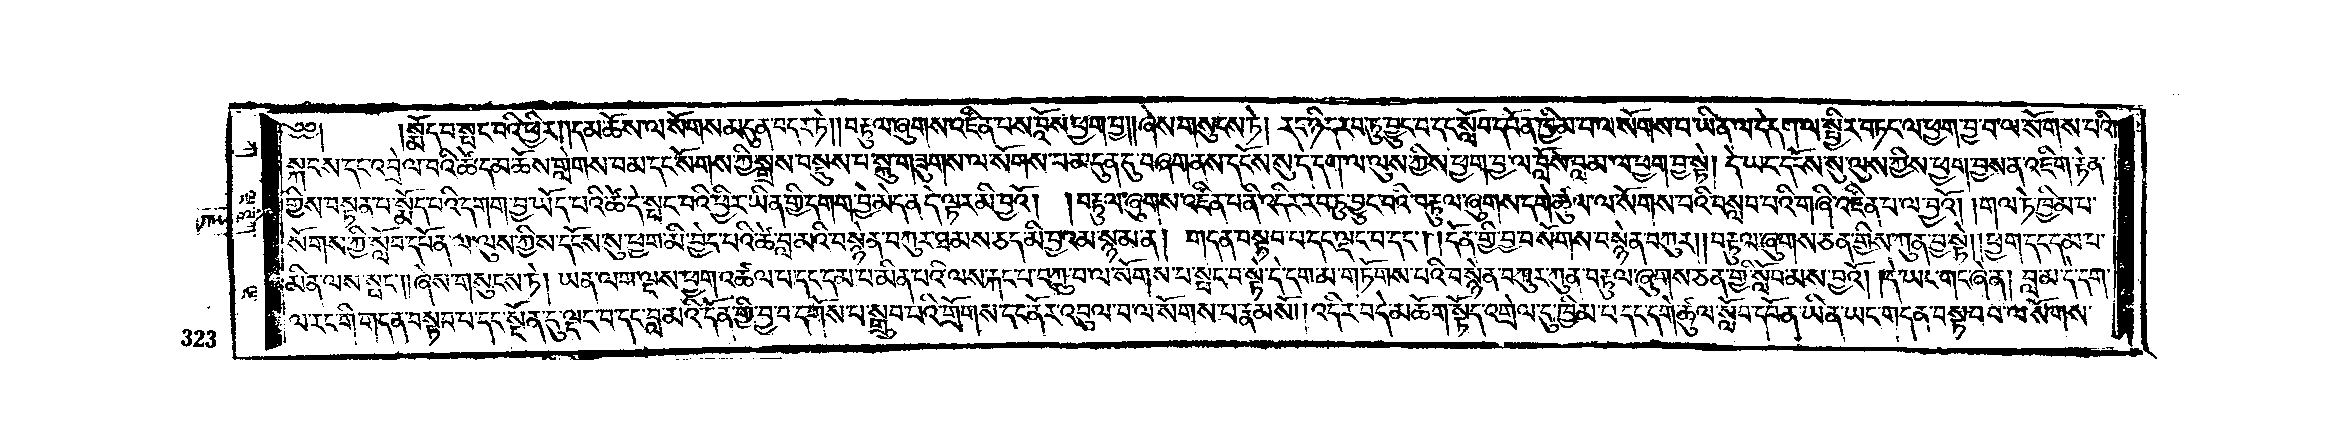༄༅། །སྨོད་པ་སྤང་བའི་ཕྱིར། །དམ་ཆོས་ལ་སོགས་མདུན་བདར་ཏེ། །བརྟུལ་ཞུགས་འཛིན་པས་བློས་ཕྱག་བྱ། །ཞེས་གསུངས་ཏེ། རང་ཉིད་རབ་ཏུ་བྱུང་བ་དང་སློབ་དཔོན་ཁྱིམ་པ་ལ་སོགས་པ་ཡིན་ལ་དེ་དག་ལ་སྤྱིར་བཏང་ལ་ཕྱག་བྱ་བ་ལ་སོགས་པའི་
སྐབས་དང་འབྲེལ་བའི་ཚེ་དམ་ཆོས་གླེགས་བམ་དང་སོགས་ཀྱི་སྒྲས་བསྡུས་པ་སྐུ་གཟུགས་ལ་སོགས་པ་མདུན་དུ་བཞག་ནས་དངོས་སུ་དེ་དག་ལ་ལུས་ཀྱིས་ཕྱག་བྱ་ལ་བློས་བླ་མ་ལ་ཕྱག་བྱ་སྟེ། དེ་ཡང་དངོས་སུ་ལུས་ཀྱིས་ཕྱག་བྱས་ན་འཇིག་རྟེན་
གྱིས་བསྟན་པ་སྨོད་པའི་དགག་བྱ་ཡོད་པའི་ཚེ་དེ་སྤང་བའི་ཕྱིར་ཡིན་གྱི་དགག་བྱེ་མེད་ན་དེ་ལྟར་མི་བྱའོ། །བརྟུལ་ཞུགས་འཛིན་པ་ནི་འདིར་རབ་ཏུ་བྱུང་བའི་བརྟུལ་ཞུགས་དགེ་ཚུལ་ལ་སོགས་པའི་བསླབ་པའི་གཞི་འཛིན་པ་ལ་བྱའོ། །གལ་ཏེ་ཁྱིམ་པ་
སོགས་ཀྱི་སློབ་དཔོན་ལ་ལུས་ཀྱིས་དངོས་སུ་ཕྱག་མི་བྱེད་པའི་ཚེ་བླ་མའི་བསྙེན་བཀུར་ཐམས་ཅད་མི་བྱའམ་སྙམ་ན། གདན་བསྟབ་པ་དང་ལྡང་བ་དང་། །དོན་གྱི་བྱ་བ་སོགས་བསྙེན་བཀུར། །བརྟུལ་ཞུགས་ཅན་གྱིས་ཀུན་བྱ་སྟེ། །ཕྱག་དང་དམ་པ་
མིན་ལས་སྤང་། །ཞེས་གསུངས་ཏེ། ཡན་ལག་ལྔས་ཕྱག་འཚལ་པ་དང་དམ་པ་མིན་པའི་ལས་རྐང་པ་བཀྲུ་བ་ལ་སོགས་པ་སྤང་བ་སྟེ་དེ་དག་མ་གཏོགས་པའི་བསྙེན་བཀུར་ཀུན་བརྟུལ་ཞུགས་ཅན་གྱི་སློབ་མས་བྱའོ། །དེ་ཡང་གང་ཞེ་ན། བླ་མ་དེ་དག་
ལ་རང་གི་གདན་བསྟབ་པ་དང་སྔོན་དུ་ལྡང་བ་དང་བླ་མའི་དོན་གྱི་བྱ་བ་དགོས་པ་སྒྲུབ་པའི་གྲོགས་དང་ནོར་འབུལ་བ་ལ་སོགས་པ་རྣམས་སོ། །འདིར་བདེ་མཆོག་སྟོད་འགྲེལ་དུ་ཁྱིམ་པ་དང་དགེ་ཚུལ་སློབ་དཔོན་ཡིན་ཡང་གདན་བསྟབ་པ་ལ་སོགས་